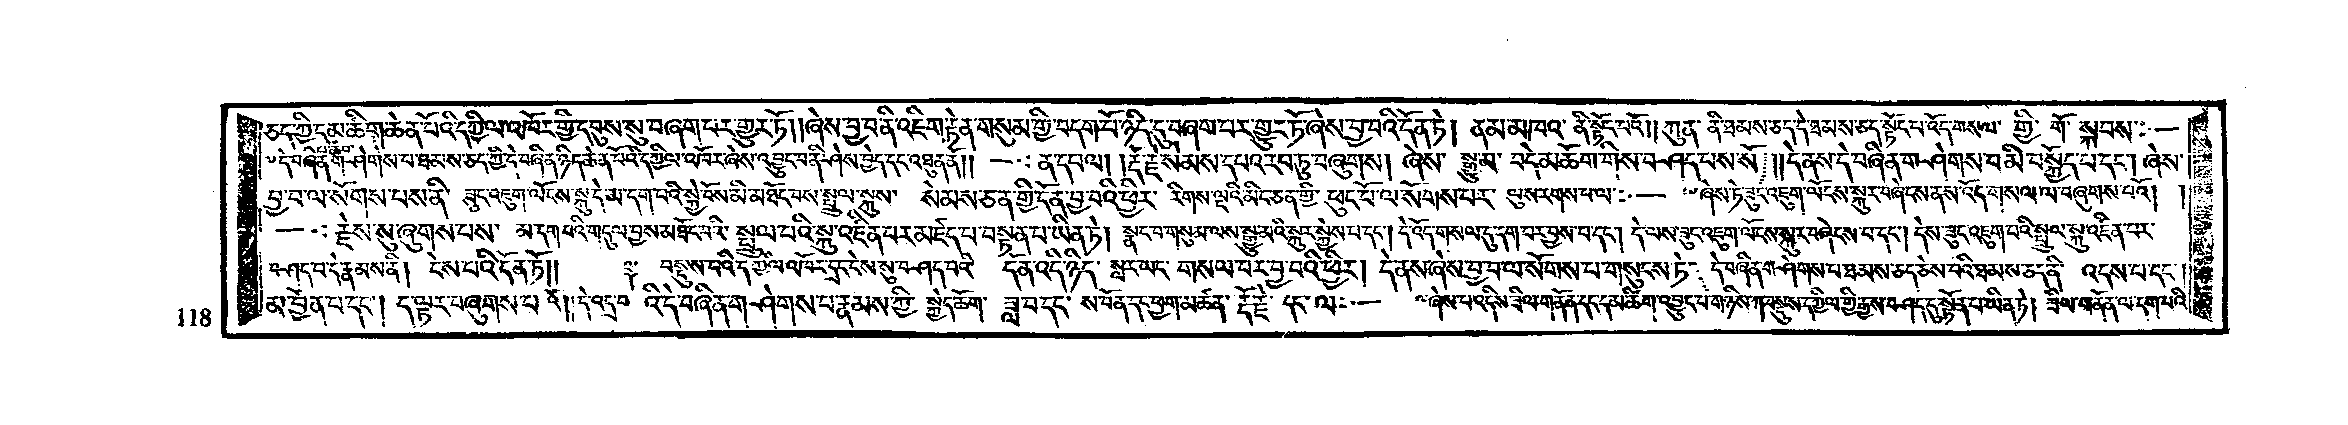ཅད་ཀྱི་དམ་ཚིག་ཆེན་པོའི་དཀྱིལ་འཁོར་གྱི་དབུས་སུ་བཞག་པར་གྱུར་ཏོ། །ཞེས་བྱ་བ་ནི་འཇིག་རྟེན་གསུམ་གྱི་བདག་པོ་ཉིད་དུ་བཞག་པར་གྱུར་ཏོ་ཞེས་བྱ་བའི་དོན་ཏེ། ནམ་མཁའ་ནི་སྟོང་པའོ།  །ཀུན་ནི་ཐམས་ཅད་དེ་ཐམས་ཅད་སྟོང་པ་འོད་གསལ་གྱི་གོ་སྐབསཿ
༈པ་ཚབ་དེ་བཞིན་གཤེགས་པ་ཐམས་ཅད་ཀྱི་དེ་བཞིན་ཉིད་ཆེན་པོའི་དཀྱིལ་འཁོར་ཞེས་འབྱུང་བ་ནི་ཤེས་བྱེད་དང་འཐུན་ནོ།།  ན་དཔལ། །རྡོ་རྗེ་སེམས་དཔའ་རབ་ཏུ་བཞུགས། ཞེས་སྒྱུ་མ་བདེ་མཆོག་གིས་བཤད་པས་སོ། །དེ་ནས་དེ་བཞིན་གཤེགས་པ་མི་བསྐྱོད་པ་དང་། ཞེས་
བྱ་བ་ལ་སོགས་པས་ནི་ཟུང་འཇུག་ལོངས་སྐུ་དེ་མ་དག་པའི་སྐྱེ་བོས་མི་མཐོང་བས་སྤྲུལ་སྐུས་སེམས་ཅན་གྱི་དོན་བྱ་བའི་ཕྱིར་རིགས་ལྔའི་མིང་ཅན་གྱི་ཕུང་པོ་ལ་སོགས་པར་ལུས་རགས་པ་ལཿ་༈ཞེས་ཏེ་ཟུང་འཇུག་ལོངས་སྐུར་བཞེངས་ནས་འོད་གསལ་ལ་བཞུགས་པའོ། །
རྗེས་སུ་ཞུགས་པས་མ་དག་པའི་གདུལ་བྱས་མཐོང་བའི་སྤྲུལ་པའི་སྐུ་འཛིན་པར་མཛད་པ་བསྟན་པ་ཡིན་ཏེ། སྣང་བ་གསུམ་ལས་སྒྱུ་མའི་སྐུར་སྐྱེས་པ་དང་། དེ་འོད་གསལ་དུ་དག་པར་བྱས་པ་དང་། དེ་ལས་ཟུང་འཇུག་ལོངས་སྐུར་བཞངས་པ་དང་། དེས་ཟུང་འཇུག་པའི་སྤྲུལ་སྐུ་འཛིན་པར་
བཤད་པ་དེ་རྣམས་ནི། ངེས་པའི་དོན་ཏོ།། ༈ བསྡུས་པའི་དཀྱིལ་འཁོར་དྲང་ངེས་སུ་བཤད་པའི་དོན་འདི་ཉིད་སླར་ཡང་གསལ་བར་བྱ་བའི་ཕྱིར། དེ་ནས་ཞེས་བྱ་བ་ལ་སོགས་པ་གསུངས་ཏེ་དེ་བཞིན་གཤེགས་པ་ཐམས་ཅད་ཅེས་པའི་ཐམས་ཅད་ནི་འདས་པ་དང་།
མ་བྱོན་པ་དང་། ད་ལྟར་བཞུགས་པའོ། ། དེ་འདྲ་བའི་དེ་བཞིན་གཤེགས་པ་རྣམས་ཀྱི་སྐྱེད་ཆོག་ཟླ་བ་དང་ས་བོན་དང་ཕྱག་མཚན་རྡོ་རྗེ་དང་ལ་༧ཞེས་པ་འདིས་ཟིལ་གནོན་དང་དམ་ཚིག་འབྱུང་བ་གཉིས་ཀ་བསྡུས་དཀྱིལ་གྱི་རྒྱས་བཤད་དུ་སྟོན་པ་ཡིན་ཏེ། ཟིལ་གནོན་ལ་དག་པའི་